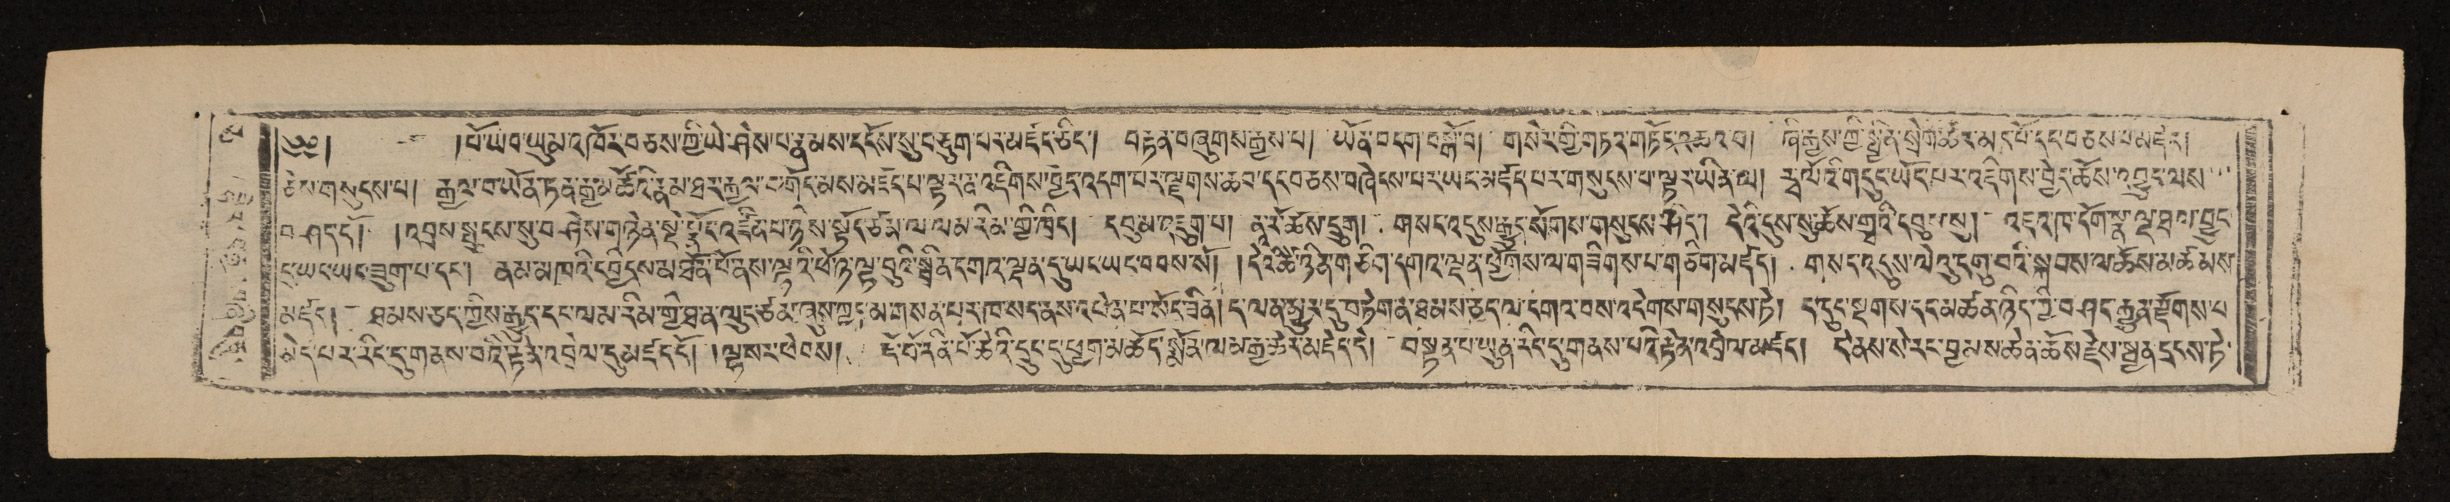༄༅། །པོ་ཡབ་ཡུམ་འཁོར་བཅས་ཀྱི་ཡེ་ཤེས་པ་རྣམས་དངོས་སུ་བཅུག་པར་མཛད་ཅིང་། བརྟན་བཞུགས་རྒྱས་བ། ཡོན་བདག་བསྒོ་བ། གསེར་གྱི་གཏའ་གཏོར་འཆའ་བ། ཞི་རྒྱས་ཀྱི་སྦྱིན་སྲེག་ཚར་མང་པོ་དང་བཅས་པ་མཛད།
ཅེས་གསུངས་པ། རྒྱལ་བ་ཡོན་ཏན་རྒྱ་མཚོའི་རྣམ་ཐར་རྒྱལ་བ་གོང་མས་མཛད་པ་ལྟར་ན་འཇིགས་བྱེད་འདག་པར་ལྗགས་ཆབ་དང་བཅས་བཞེངས་པར་ཡང་མཛད་པར་གསུངས་པ་ལྟར་ཡིན་ལ། རྭ་ལོའི་གདུང་ཡོད་པར་འཇིགས་བྱེད་ཆོས་འབྱུང་ལས་
བཤད་དོ། །འབྲས་སྤུངས་སུ་བཤེས་གཉེན་སྡེ་སྣོད་འཛིན་པ་ཉིས་སྟོད་ཙམ་ལ་ལམ་རིམ་གྱི་ཁྲིད། དབུ་མ་འཇུག་པ། ནཱ་རོ་ཆོས་དྲུག། གསང་འདུས་རྒྱུད་སོགས་གསུངས་ཤིང་། དེའི་དུས་སུ་ཆོས་གྲྭའི་དབུས་སུ། འཇའ་ཁ་དོག་སྣ་ལྔ་ཐལ་བྱུང་
དུ་ཡང་ཡང་ཟུག་པ་དང་། ནམ་མཁའི་དབྱིངས་མཐོན་པོ་ནས་ལྷའི་ཕོ་ཉ་ལྟ་བུའི་སྤྲིན་དགའ་ལྡན་དུ་ཡང་ཡང་བབས་སོ། །དེའི་ཚེ་ཉིན་གཅིག་དགའ་ལྡན་ཕྱོགས་ལ་གཟིགས་པ་གཅིག་མཛད། གསང་འདུས་ལེའུ་དགུ་པའི་སྐབས་ལ་ཆོས་མཚམས་
མཛད། ཐམས་ཅད་ཀྱིས་རྒྱུད་དང་ལམ་རིམ་གྱི་ཐ་ན་ལུང་ཙམ་ཞུས་ཀྱང་མ་གསན་བར་ཁ་སང་ནས་འཕེན་པ་སོང་ཟིན། ད་ལན་མྱུར་དུ་བཏེག་ན་ཐམས་ཅད་ལ་དགའ་བས་འདེགས་གསུངས་ཏེ། ད་དུང་སྔགས་དང་མཚན་ཉིད་ཀྱི་བཤད་རྒྱུན་རྫོགས་པ་
མེད་པར་རིང་དུ་གནས་པའི་རྟེན་འབྲེལ་དུ་མཛད་དོ། །ལྷ་སར་ཕེབས། ཇོ་བོ་རིན་པོ་ཆེའི་དྲུང་དུ་ཕྱག་མཆོད་སྨོན་ལམ་རྒྱ་ཆེར་མཛད་དེ། བསྟན་པ་ཡུན་རིང་དུ་གནས་པའི་རྟེན་འབྲེལ་མཛད། དེ་ནས་སེ་རར་བྱམས་ཆེན་ཆོས་རྗེས་སྤྱན་དྲངས་ཏེ་